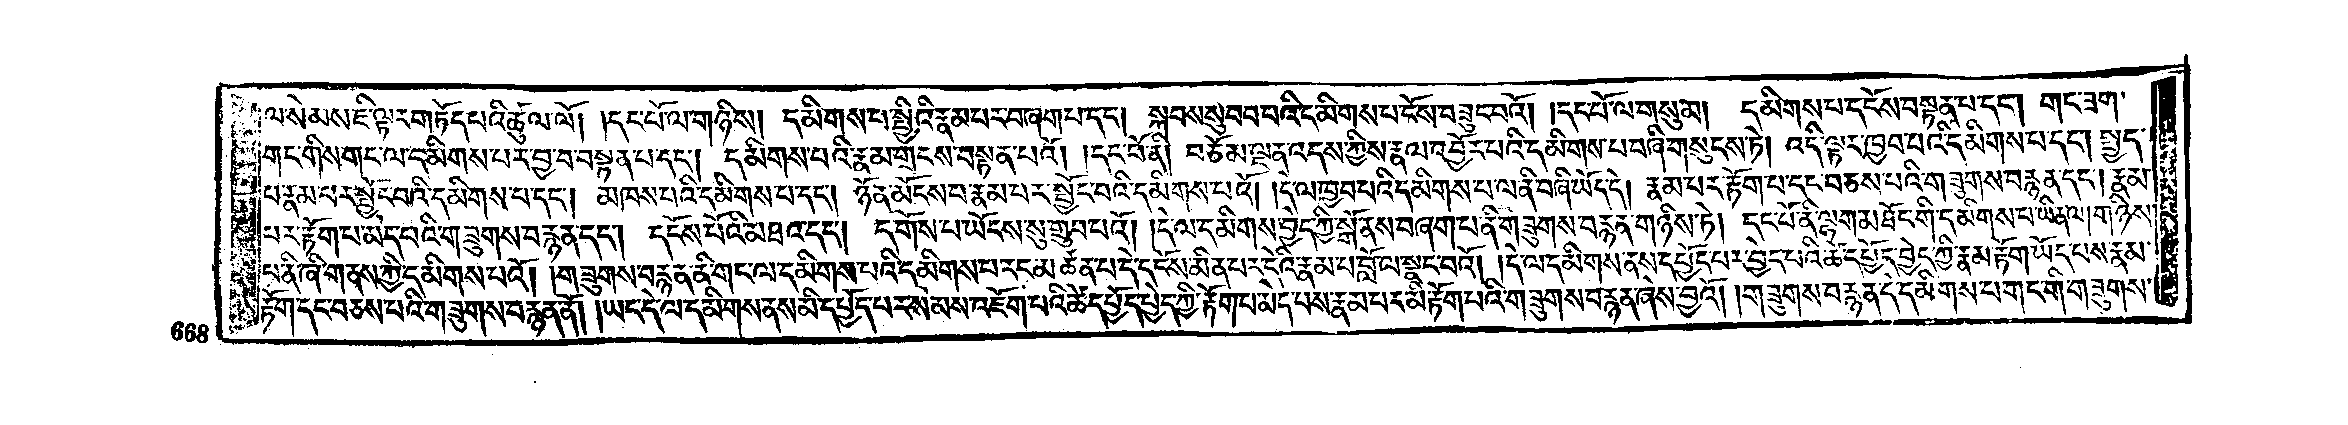ལ་སེམས་ཇི་ལྟར་གཏོད་པའི་ཚུལ་ལོ། །དང་པོ་ལ་གཉིས། དམིགས་པ་སྤྱིའི་རྣམ་པར་བཞག་པ་དང་། སྐབས་སུ་བབ་པའི་དམིགས་པ་ངོས་བཟུང་བའོ། །དང་པོ་ལ་གསུམ། དམིགས་པ་དངོས་བསྟན་པ་དང་། གང་ཟག་
གང་གིས་གང་ལ་དམིགས་པར་བྱ་བ་བསྟན་པ་དང་། དམིགས་པའི་རྣམ་གྲངས་བསྟན་པའོ། །དང་པོ་ནི། བཅོམ་ལྡན་འདས་ཀྱིས་རྣལ་འབྱོར་བའི་དམིགས་པ་བཞི་གསུངས་ཏེ། འདི་ལྟར་ཁྱབ་པའི་དམིགས་པ་དང་། སྤྱད་
པ་རྣམ་པར་སྦྱོང་བའི་དམིགས་པ་དང་། མཁས་པའི་དམིགས་པ་དང་། ཉོན་མོངས་པ་རྣམ་པར་སྦྱོང་བའི་དམིགས་པའོ། །དེ་ལ་ཁྱབ་པའི་དམིགས་པ་ལ་ནི་བཞི་ཡོད་དེ། རྣམ་པར་རྟོག་པ་དང་བཅས་པའི་གཟུགས་བརྙན་དང་། རྣམ་
པར་རྟོག་པ་མེད་པའི་གཟུགས་བརྙན་དང་། དངོས་པོའི་མཐའ་དང་། དགོས་པ་ཡོངས་སུ་གྲུབ་པའོ། །དེ་ལ་དམིགས་བྱེད་ཀྱི་སྒོ་ནས་བཞག་པ་ནི་གཟུགས་བརྙན་གཉིས་ཏེ། དང་པོ་ནི་ལྷག་མཐོང་གི་དམིགས་པ་ཡིན་ལ། གཉིས་
པ་ནི་ཞི་གནས་ཀྱི་དམིགས་པའོ། །གཟུགས་བརྙན་ནི་གང་ལ་དམིགས་པའི་དམིགས་པ་རང་མཚན་པ་དེ་དངོས་མིན་པར་དེའི་རྣམ་པ་བློ་ལ་སྣང་བའོ། །དེ་ལ་དམིགས་ནས་དཔྱོད་པར་བྱེད་པའི་ཚེ་དཔྱོད་བྱེད་ཀྱི་རྣམ་རྟོག་ཡོད་པས་རྣམ་
རྟོག་དང་བཅས་པའི་གཟུགས་བརྙན་ནོ། །ཡང་དེ་ལ་དམིགས་ནས་མི་དཔྱོད་པར་སེམས་འཇོག་པའི་ཚེ་དཔྱོད་བྱེད་ཀྱི་རྟོག་པ་མེད་པས་རྣམ་པར་མི་རྟོག་པའི་གཟུགས་བརྙན་ཞེས་བྱའོ། །གཟུགས་བརྙན་དེ་དམིགས་པ་གང་གི་གཟུགས་